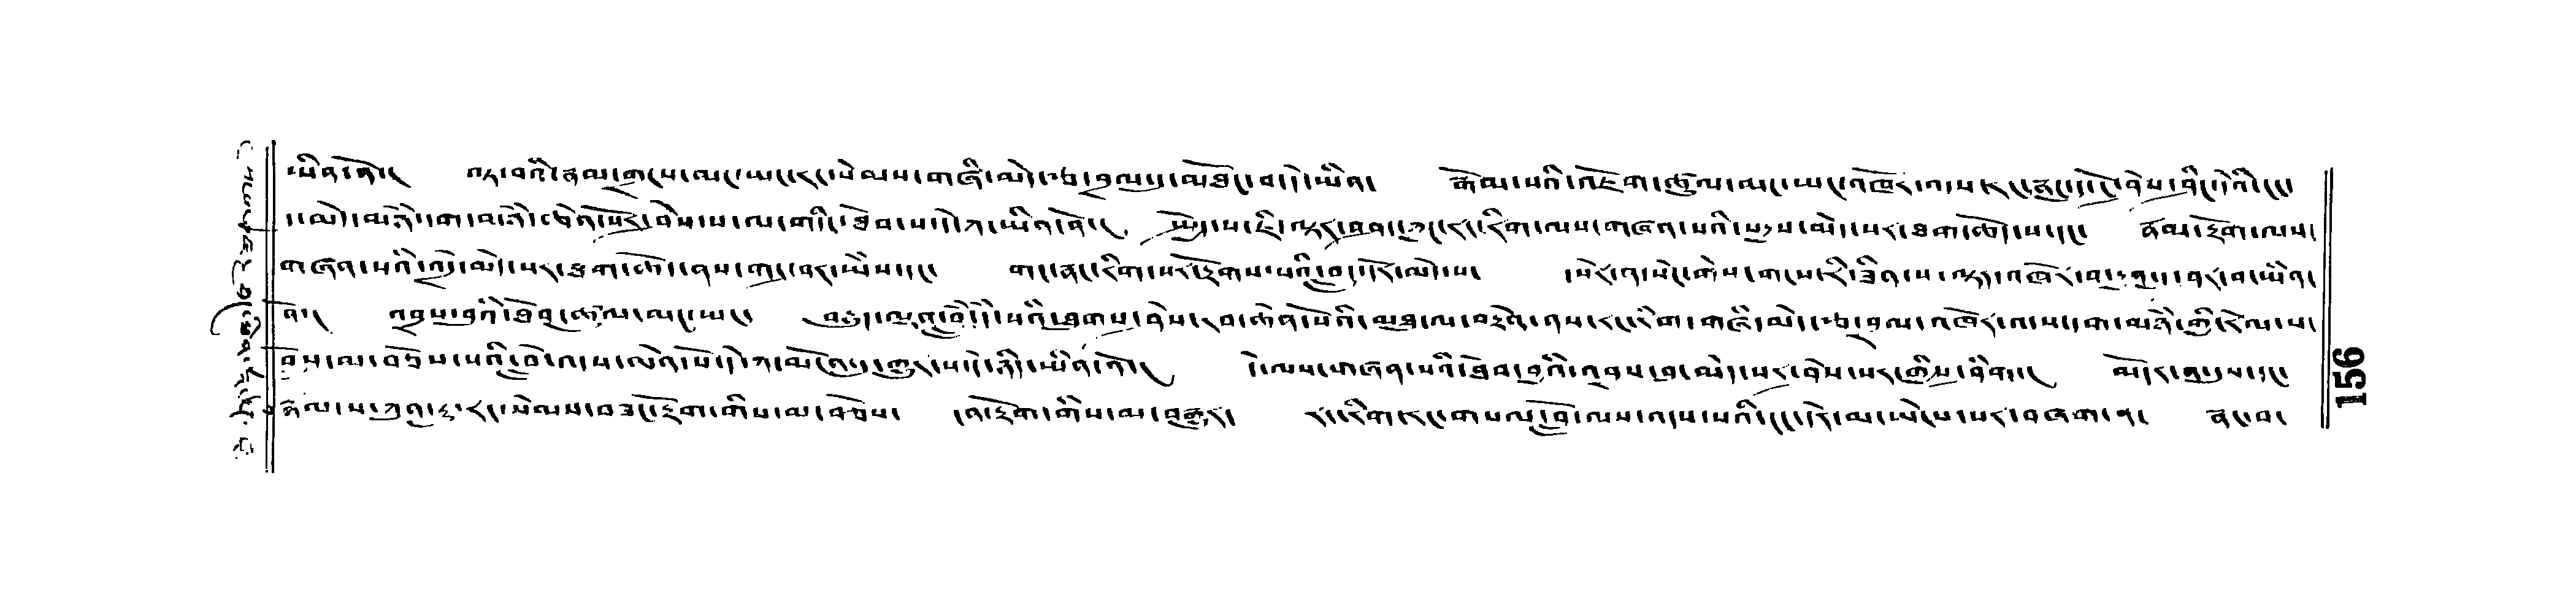ཡིན་ནོ། ལྟ་བའི་རྣམ་གྲངས་མང་ཡང་རང་སེམས་གཞི་མེད་རྩ་བྲལ་དུ་མཐོང་བ་དེ་ཡིན། སྒོམ་པའི་འཇོག་ཚུལ་མང་ཡང་འཁོར་འདས་རང་སྣང་དུ་ངོ་ཤེས་ཤིང་དེའི་ངང་
དུ་མེད་མཉམ་དག་མཉམ་ཆེན་པོར་ཤེས་པ་ལ་གདིང་ཐོབ་པ་དེ་ཀ་ཡིན་ནོ། སྤྱོད་པ་ཇི་ལྟར་བཤད་ཀྱང་རང་རིག་ལས་གཞན་པའི་སངས་རྒྱས་མེད་པར་ཐག་ཆོད་པ་དང་། རྣམ་རྟོག་ལས་
གཞན་པའི་འདྲེ་མེད་པར་ཐག་ཆོད་ནས་གང་ཤར་ཡེ་ཤེས་དང་། གང་སྣང་རིག་པར་རྟོགས་པས་བླང་དོར་མེད་པ། དཔེར་ན་སེང་གེས་གངས་རི་ཟིན་པ་ལྟར་འཁོར་བ་རྒྱན་དུ་ཤར་བ་ཡིན་
ནོ། འབྲས་བུའི་ཐོབ་ཚུལ་མང་ཡང་། བརྒྱུད་ལྡན་བླ་མ་དམ་པའི་ཐུགས་ཤེས་རབ་ཆེན་པོའི་མཐུ་ལ་བརྟེན་ནས་རང་རིག་གཞི་མེད་རྩ་བྲལ་འཁོར་འདས་དག་མཉམ་གྱི་རོལ་པ་
བློས་མ་བཅོས་པའི་བློ་འདས་ཆེན་པོ་དེ་ཀ་མངོན་དུ་གྱུར་པ་དེ་ཉིད་ཡིན་ནོ། དེ་ལས་གཞན་པའི་ཐོབ་བྱའི་འབྲས་བུ་མེད་པར་ཤེས་པར་གྱིས་ཤིག མདོར་ན་དུས་དང་
རྣམ་པ་ཀུན་ཏུ་རང་སེམས་བཟང་རྟོག་གིས་མ་བཅོས། ངན་རྟོག་གིས་མ་བསྒྱུར། རང་རིག་རང་གསལ་བློ་ལས་འདས་པའི་ངང་དེར་མ་ཡེངས་པར་བཞག་ན། སྣང་བ་